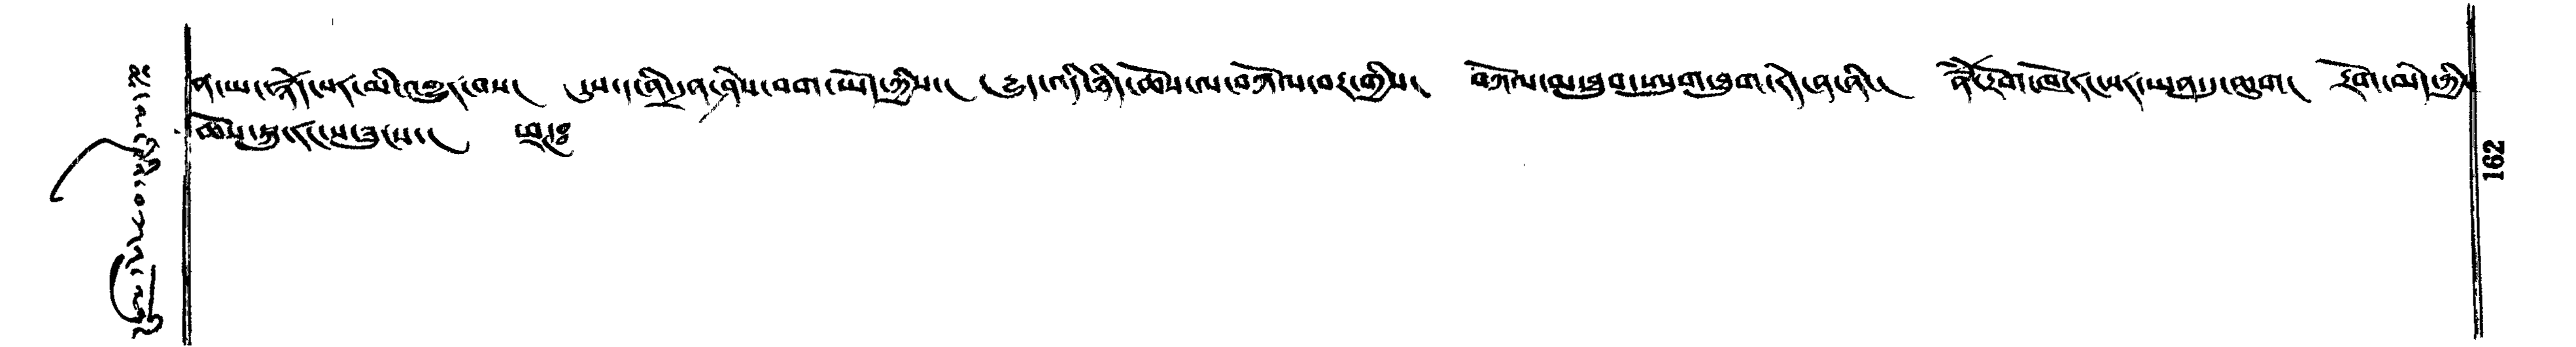ན་ཡང་རྙེད་པར་མི་འགྱུར་བས། །དུས་ད་ནི་དྲན་ཤེས་བག་ཡོད་ཀྱིས། །རྒྱུད་འདི་ཉིད་ཆོས་ལ་བཀོལ་བར་གྱིས། །བཀོལ་མ་ཐུབ་ཨུ་ཐུག་རེད་ན་ནི། །རྣམ་རྟོག་ཁོ་རང་སར་ཡན་དུ་ཆུགས། རྟོག་མེད་ཀྱི་
ཆོས་སྐུའི་རང་ས་ཟུངས། ཕཊཿ དགེའོ།།